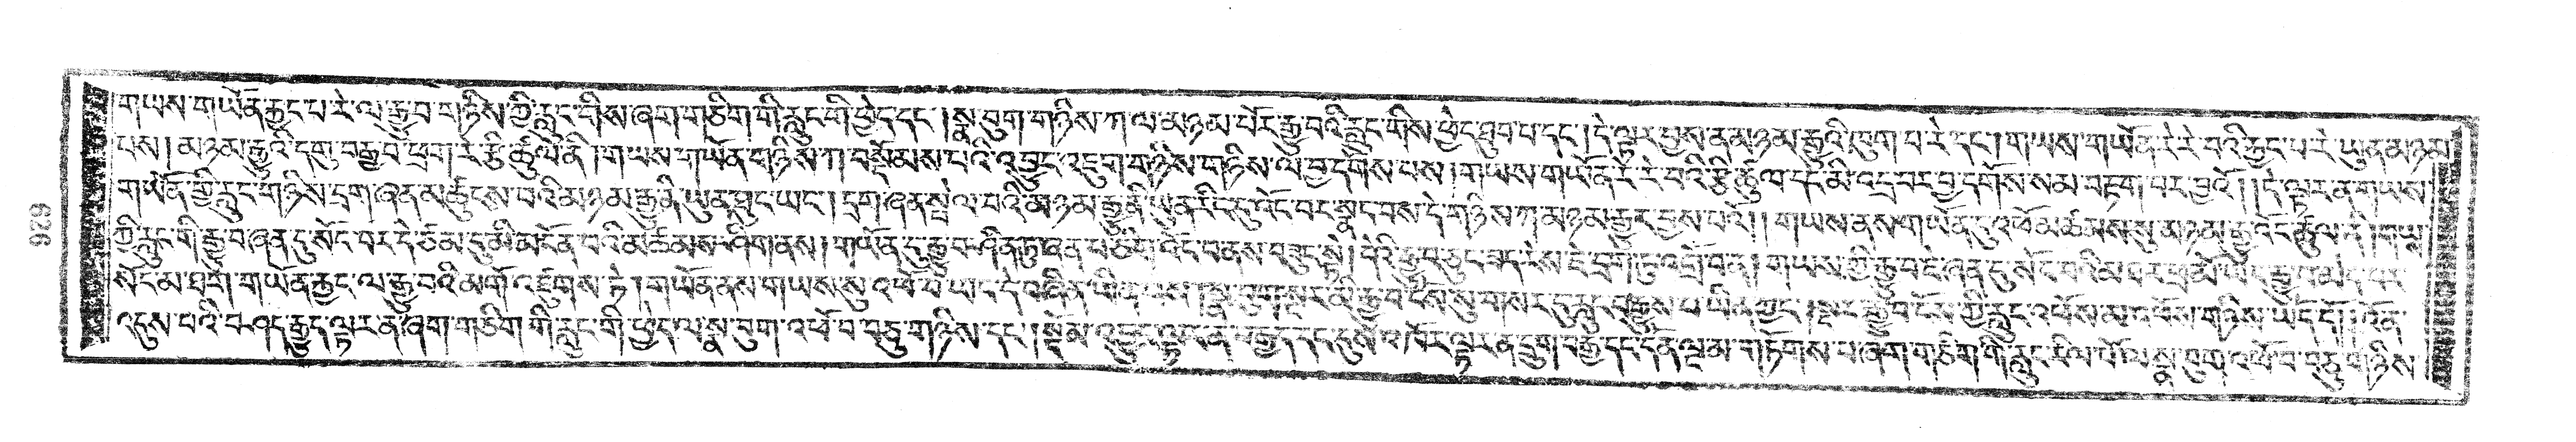གཡས་གཡོན་རྐྱང་པ་རེ་ལ་རྒྱུ་བ་གཉིས་ཀྱི་རླུང་གིས་ཞག་གཅིག་གི་རླུང་གི་ཕྱེད་དང་། སྣ་བུག་གཉིས་ཀ་ལ་མཉམ་པོར་རྒྱུ་བའི་རླུང་གིས་ཕྱེད་ཐུབ་པ་དང་། དེ་ལྟར་བྱས་ན་མཉམ་རྒྱུའི་ཁུག་པ་རེ་དང་། གཡས་གཡོན་རེ་རེ་བའི་རྐྱང་པ་རེ་ཡུན་མཉམ་
པས། མཉམ་རྒྱུའི་དགུ་བརྒྱ་བ་ཕྲག་རེ་རྩི་ཚུལ་ནི། གཡས་གཡོན་གཉིས་ཀ་བསྡོམས་པའི་འབྱུང་འཇུག་གཉིས་གཉིས་ལ་བྱ་དགོས་པས། གཡས་གཡོན་རེ་རེ་བའི་རྩི་ཚུལ་དང་མི་འདྲ་བར་བྱ་དགོས་སམ་བརྟག་པར་བྱའོ། །དེ་ལྟར་ན་གཡས་
གཡོན་གྱི་རླུང་གཉིས་དྲག་ཞན་མཚུངས་པའི་མཉམ་རྒྱུ་ནི་ཡུན་ཐུང་ཡང་། དྲག་ཞན་སྤེལ་བའི་མཉམ་རྒྱུ་ནི་ཡུན་རིང་དུ་འོང་བར་སྣང་བས་དེ་གཉིས་ཀ་མཉམ་རྒྱུར་བྱས་པའོ། །གཡས་ནས་གཡོན་དུ་འཕོ་མཚམས་སུ་མཉམ་རྒྱུ་འོང་ཚུལ་ནི། གཡས་
ཀྱི་རླུང་གི་རྒྱུ་བ་ཞན་དུ་སོང་བར་དེ་ཙམ་དུ་མི་མངོན་པའི་མཚམས་ཤིག་ནས། གཡོན་དུ་རྒྱུ་བ་ཤིན་ཏུ་ཞན་པ་ཅིག་འོང་བ་ནས་བཟུང་སྟེ། དེའི་རྒྱུ་བ་ཅུང་ཟད་རེས་ཇེ་དྲག་ཏུ་འགྲོ་བ་ན། གཡས་ཀྱི་རྒྱུ་བ་ཇེ་ཞན་དུ་སོང་བའི་མཐར་ཕྲ་མོ་ཡང་རྒྱུ་བ་མེད་པར་
སོང་མ་ཐག་གཡོན་རྐྱང་ལ་རྒྱུ་བའི་མགོ་འཛུགས་ཏེ། གཡོན་ནས་གཡས་སུ་འཕོ་བ་ཡང་དེ་བཞིན་ཡིན་པས། སྣ་བུག་སྔར་མི་རྒྱུ་བ་ངོས་སུ་གསར་དུ་རླུང་བརྒྱས་པ་ཡིན་ཀྱང་། སྔར་རྒྱུ་བ་ངོས་ཀྱི་རླུང་འཕོས་མ་འཕོས་གཉིས་ཡོད་དོ། །འོ་ན་
འདུས་པའི་བཤད་རྒྱུད་ལྟར་ན་ཞག་གཅིག་གི་རླུང་གི་ཕྱེད་ལ་སྣ་བུག་འཕོ་བ་བཅུ་གཉིས་དང་། སྡོམ་འབྱུང་ལྟར་ན་བརྒྱད་དང་དུས་འཁོར་ལྟར་ན་དྲུག་བརྒྱ་དང་དོན་ལྔ་མ་གཏོགས་པ་ཞག་གཅིག་གི་རླུང་རིལ་པོ་ལ་སྣ་བུག་འཕོ་བ་བཅུ་གཉིས་